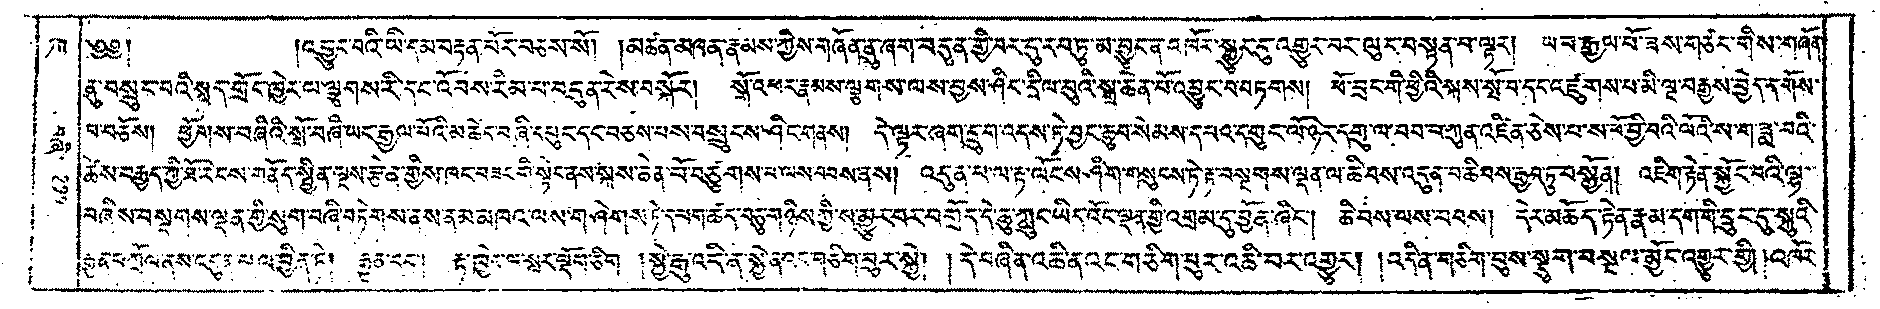༄༅། །འབྱུང་བའི་ཡི་དམ་བརྟན་པོར་བཅས་སོ། །མཚན་མཁན་རྣམས་ཀྱིས་གཞོན་ནུ་ཞག་བདུན་གྱི་བར་དུ་རབ་ཏུ་མ་བྱུང་ན་འཁོར་སྒྱུར་དུ་འགྱུར་བར་ལུང་བསྟན་པ་ལྟར། ཡབ་རྒྱལ་པོ་ཟས་གཙང་གིས་གཞོན་
ནུ་བསྲུང་བའི་སླད་གྲོང་ཁྱེར་ལ་ལྕགས་རི་དང་འོབས་རིམ་པ་བདུན་རེས་བསྐོར། སྒོ་འཕར་རྣམས་ལྕགས་ལས་བྱས་ཤིང་དྲིལ་བུའི་སྒྲ་ཆེན་པོ་འབྱུང་བ་བཏགས། །ཕོ་བྲང་གི་ཕྱིའི་སྐས་སྤོ་བ་དང་འཛུགས་པ་མི་ལྔ་བརྒྱས་བྱེད་དགོས་
པ་བཅོས། ཕྱོགས་བཞིའི་སྒོ་བཞི་ཡང་རྒྱལ་པོའི་མཆེད་བཞི་དཔུང་དང་བཅས་པས་བསྲུངས་ཤིང་གནས། དེ་ལྟར་ཞག་དྲུག་འདས་ཏེ་བྱང་ཆུབ་སེམས་དཔའ་དགུང་ལོ་ཉེར་དགུ་ལ་བབ་པ་ཀུན་འཛིན་ཅེས་པ་ས་ཕོ་བྱི་བའི་ལོའི་ས་ག་ཟླ་བའི་
ཚེས་བརྒྱད་ཀྱི་ཐོ་རེངས་གནོད་སྦྱིན་ལྔས་རྩེན་གྱིས་ཁང་བཟང་གི་སྟེང་ནས་སྐས་ཆེན་པོ་བཙུགས་པ་ལས་བབས་ནས། འདུན་པ་ལ་རྟ་ལོངས་ཤིག་གསུངས་ཏེ་རྟ་བསྔགས་ལྡན་ལ་ཆིབས་འདུན་པ་ཆིབས་རྒྱབ་ཏུ་བསྐྱོན། འཇིག་རྟེན་སྐྱོང་བའི་ལྷ་
བཞིས་བསྔགས་ལྡན་གྱི་སུག་བཞི་བཏེགས་ནས་ནམ་མཁའ་ལས་གཤེགས་ཏེ་དཔག་ཚད་བཅུ་གཉིས་ཀྱི་ས་མྱུར་བར་བགྲོད་དེ་ཆུ་ཀླུང་ཡིད་འོང་ལྡན་གྱི་འགྲམ་དུ་བྱོན་ཞིང་། ཆིབས་ལས་བབས། དེར་མཆོད་རྟེན་རྣམ་དག་གི་དྲུང་དུ་སྐུའི་
རྒྱན་བཀྲོལ་ནས་འདུན་པ་ལ་བྱིན་ཏེ། རྒྱན་དང་། རྟ་ཁྱེར་ལ་སླར་ལྡོག་ཅིག །སྐྱེ་རྒུ་འདི་ན་སྐྱེ་ནའང་གཅིག་པུར་སྐྱེ། །དེ་བཞིན་འཆི་ནའང་གཅིག་པུར་འཆི་བར་འགྱུར། །འདི་ན་གཅིག་པུས་སྡུག་བསྔལ་མྱོང་འགྱུར་གྱི། །འཁོར་